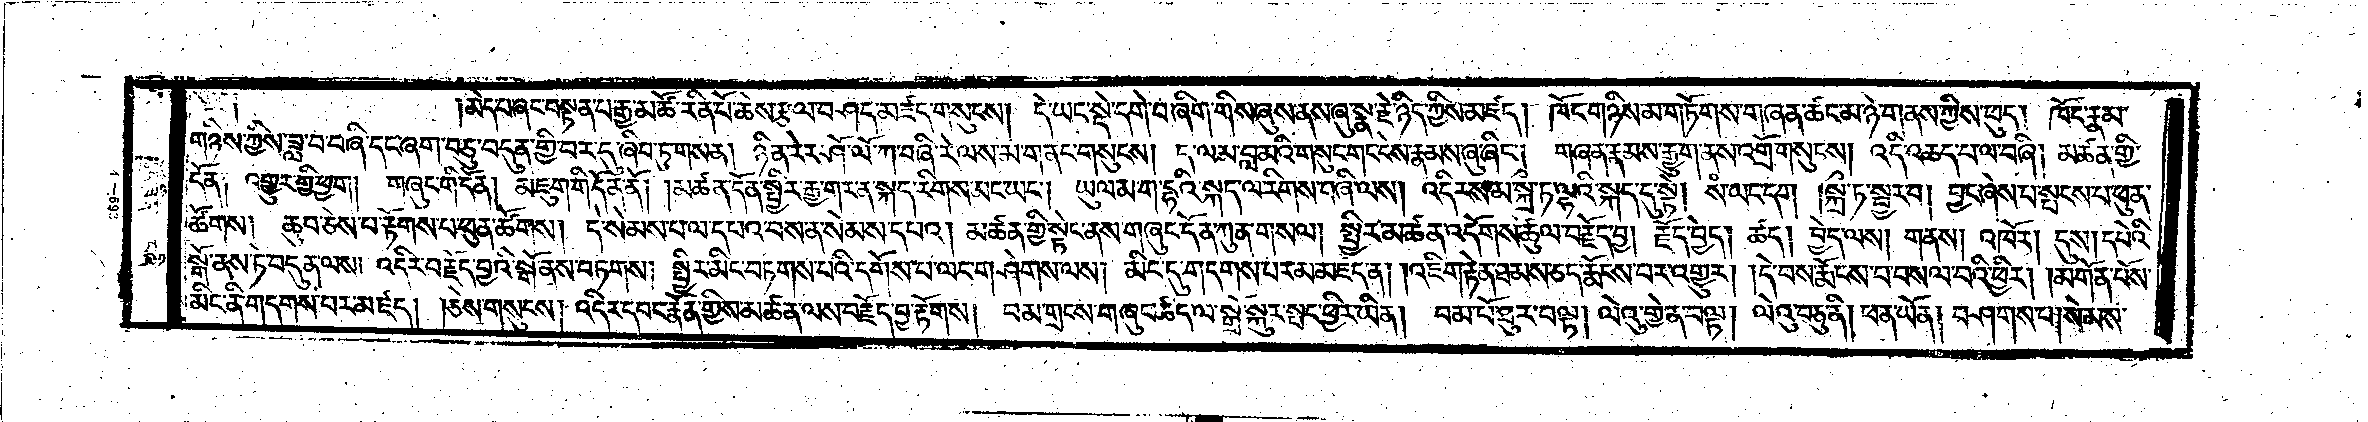༄༅། །མེད་པ་ཞང་བསྟན་པ་རྒྱ་མཚོ་རིན་པོ་ཆེས་རྩལ་བཤད་མཛད་གསུངས། དེ་ཡང་སྡེ་དགེ་བ་ཞིག་གིས་ཞུས་ནས་ཞུ་སྣ་རྗེ་ཉིད་ཀྱིས་མཛད། ཁོང་གཉིས་མ་གཏོགས་གཞན་ཚང་མ་ཉེ་གནས་ཀྱིས་ཕུད། ཁོང་རྣམ་
གཉིས་ཀྱིས་ཟླ་བ་བཞི་དང་ཞག་བཅུ་བདུན་གྱི་བར་དུ་ཞིབ་ཏུ་གསན། ཉིན་རེར་ཤོ་ལོ་ཀ་བཞི་རེ་ལས་མ་གནང་གསུངས། ད་ལམ་བླ་མའི་གསུང་གང་ངེས་རྣམས་ཞུ་ཞིང་། གཞན་རྣམས་རྒྱུག་ནས་འགྲོ་གསུངས། འདི་འཆད་པ་ལ་བཞི། མཚན་གྱི་
དོན༑ འགྱུར་གྱི་ཕྱག །གཞུང་གི་དོན། མཇུག་གི་དོན་ནོ། །མཚན་དོན་སྤྱིར་རྒྱ་གར་ན་སྐད་རིགས་མང་ཡང་། ཡུལ་མ་ག་དྷའི་སྐད་ལ་རིགས་བཞི་ལས། འདིར་ས་མ་སྐྲྀ་ཏ་ལྷའི་སྐད་དུ་སྟེ། སཾ་ཡང་དག །སྐྲྀ་ཏ་སྦྱར་བ། བྱང་ཞེས་པ་སྤངས་པ་ཕུན་
ཚོགས། ཆུབ་ཅེས་པ་རྟོགས་པ་ཕུན་ཚོགས། དེ་སེམས་པ་ལ་དཔའ་བས་ན་སེམས་དཔའ། མཚན་གྱི་སྟེང་ནས་གཞུང་དོན་ཀུན་གསལ། སྤྱིར་མཚན་འདོགས་ཚུལ་བརྗོད་བྱ། རྗོད་བྱེད། ཚད། བྱེད་ལས། གནས། འཁོར། དུས། དཔེའི་
སྒོ་ནས་ཏེ་བདུན་ལས། འདིར་བརྗོད་བྱའི་སྒོ་ནས་བཏགས། སྤྱིར་མིང་བཏགས་པའི་དགོས་པ་ལང་གཤེགས་ལས། མིང་དུ་གདགས་པར་མ་མཛད་ན། །འཇིག་རྟེན་ཐམས་ཅད་རྨོངས་པར་འགྱུར། །དེ་བས་རྨོངས་པ་བསལ་བའི་ཕྱིར། །མགོན་པོས་
མིང་ནི་གདགས་པར་མཛད། །ཅེས་གསུངས། འདིར་དབང་རྣོན་གྱིས་མཚན་ལས་བརྗོད་བྱ་རྟོགས། བམ་གྲངས་གཞུང་ཚད་ལ་སྒྲོ་སྐུར་སྤང་ཕྱིར་ཡིན། བམ་པོ་ཐུར་བལྟ། ལེའུ་གྱེན་བལྟ། ལེའུ་བཅུ་ནི། ཕན་ཡོན། བཤགས་པ། སེམས་